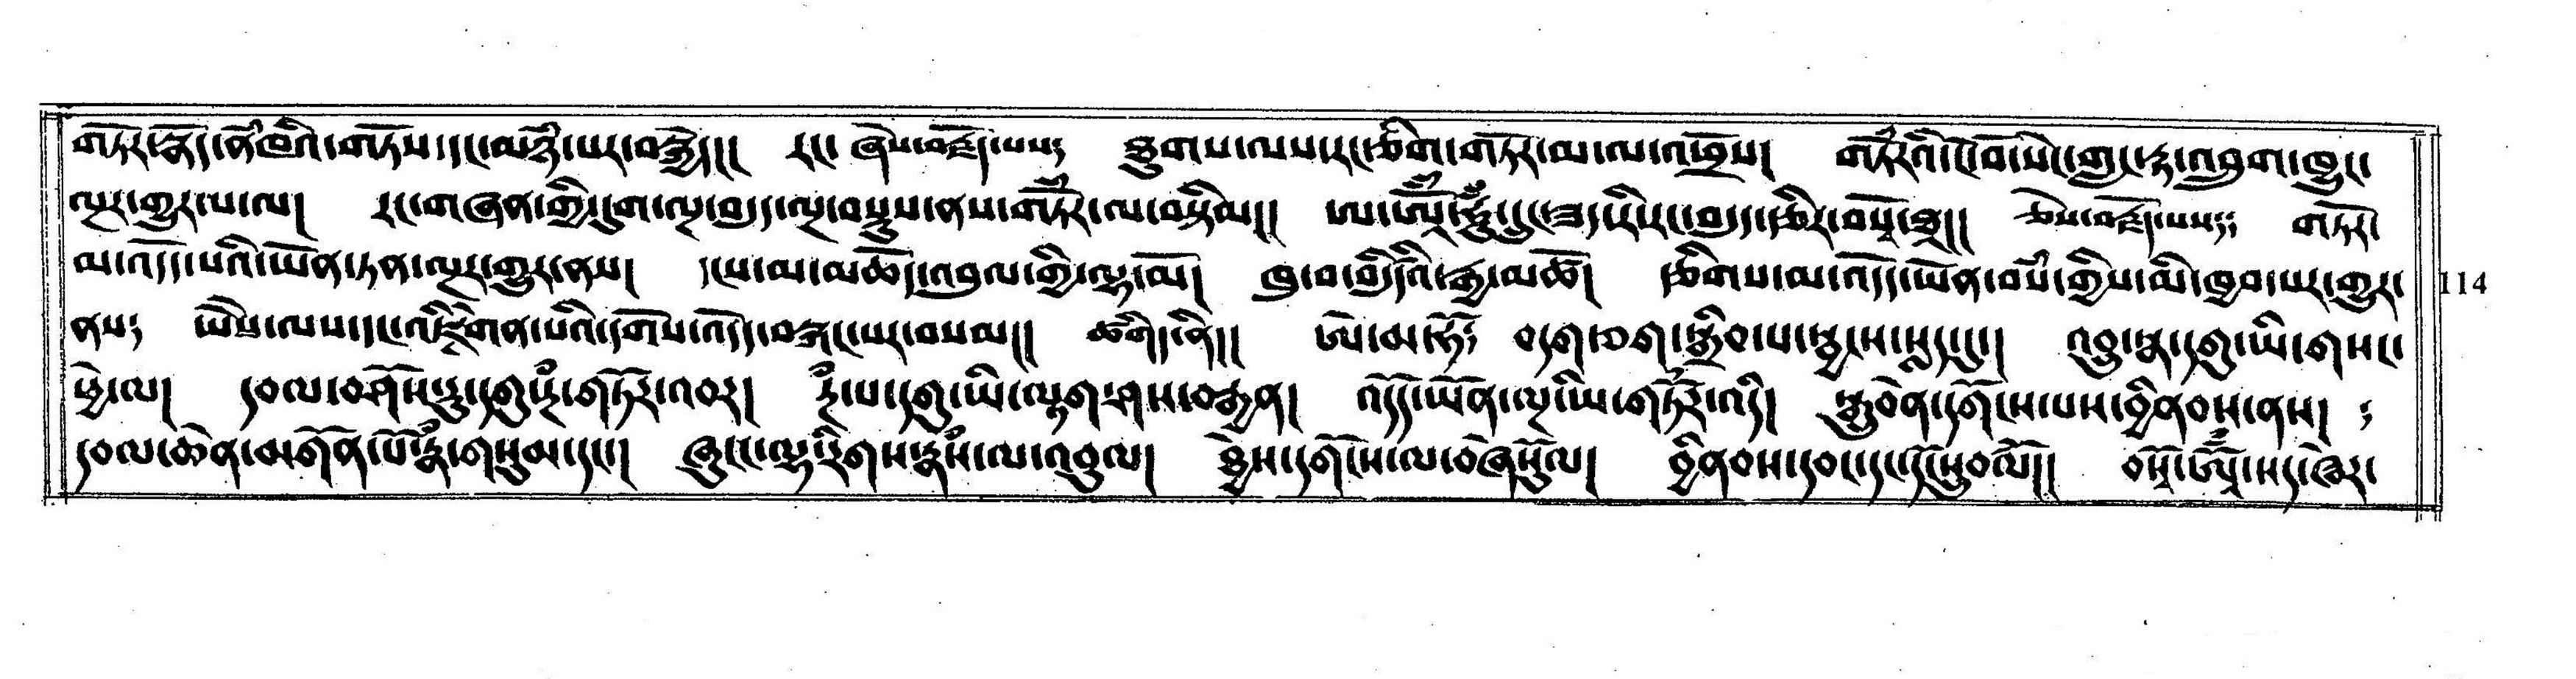གཏོར་སྣོད་ནམ་མཁའི་གཏོས་དང་མཉམ་པར་བསྐྱེད།། རང་ཞེས་བརྗོད་པས ཐུགས་ལས་རང་ཅིག་གཏོར་མ་ལ་འཕྲོས། གཏོར་མའི་ངོ་བོ་སེང་གླང་རྟ་འབྲུག་ཁྱུང་
ལྔར་གྱུར་པ་ལ། རང་གཞན་གྱི་དུག་ལྔ་བདུད་ལྔ་བསྡུས་ནས་གཏོར་མ་ལ་བསྟིམ།། ཨ་ཨཱོཾ་ཧཱུྃ་དྲུང་ཟད་རི་རང་བདུད་རྩིར་བསྭོ་ཐཱ།། ཅེས་བརྗོད་པས གཏོར་
མ་འདོད་པའི་ཡོན་ཏན་ལྔར་གྱུར་ནས། དངས་མ་མཆོད་འབུལ་གྱི་ལྷ་མོ། ཁུ་བ་བདུད་རྩིའི་རྒྱ་མཚོ། རྩིགས་མ་འདོད་ཡོན་བསམ་གྱིས་མི་ཁྱབ་པར་གྱུར་
ནས། ཡེ་ཤེས་ལས་དང་འཇིག་རྟེན་པའི་དགོས་འདོད་བསྐང་པར་བསམ།། ཚིག་བཤད་ནི།། ཨེ་མ་ཧོ བདག་ཅག་སྒྲིབ་པ་སྦྱངས་སླད་དུ། འབྲུ་སྣ་དགུ་ཡི་གསང་
ཕྱེ་ལ། དབལ་བཤོས་རུ་དགུ་རྔཾ་གཏོར་འབར། རྔམ་པ་དགུ་ཡི་ལྟག་ཤས་བརྒྱན། འདོད་ཡོན་ལྔ་ཡི་གཏོར་མ་འདི། སྒྲུབ་གཤེན་དགོངས་པས་བྱིན་རླབས་ནས། 
དབལ་ཆེན་མགོན་པོ་རྣམ་གསུམ་དང་། ཞང་ཞུང་ལྷ་རིགས་རྣམས་ལ་འབུལ། ཐུགས་རྗེས་དགོངས་ལ་བཞེས་སུ་གསོལ། བྱིན་རླབས་དབང་དང་དངོས་གྲུབ་སྩོལ།། བསྭོ་ཨཱོཾ་སད་ཝེར་